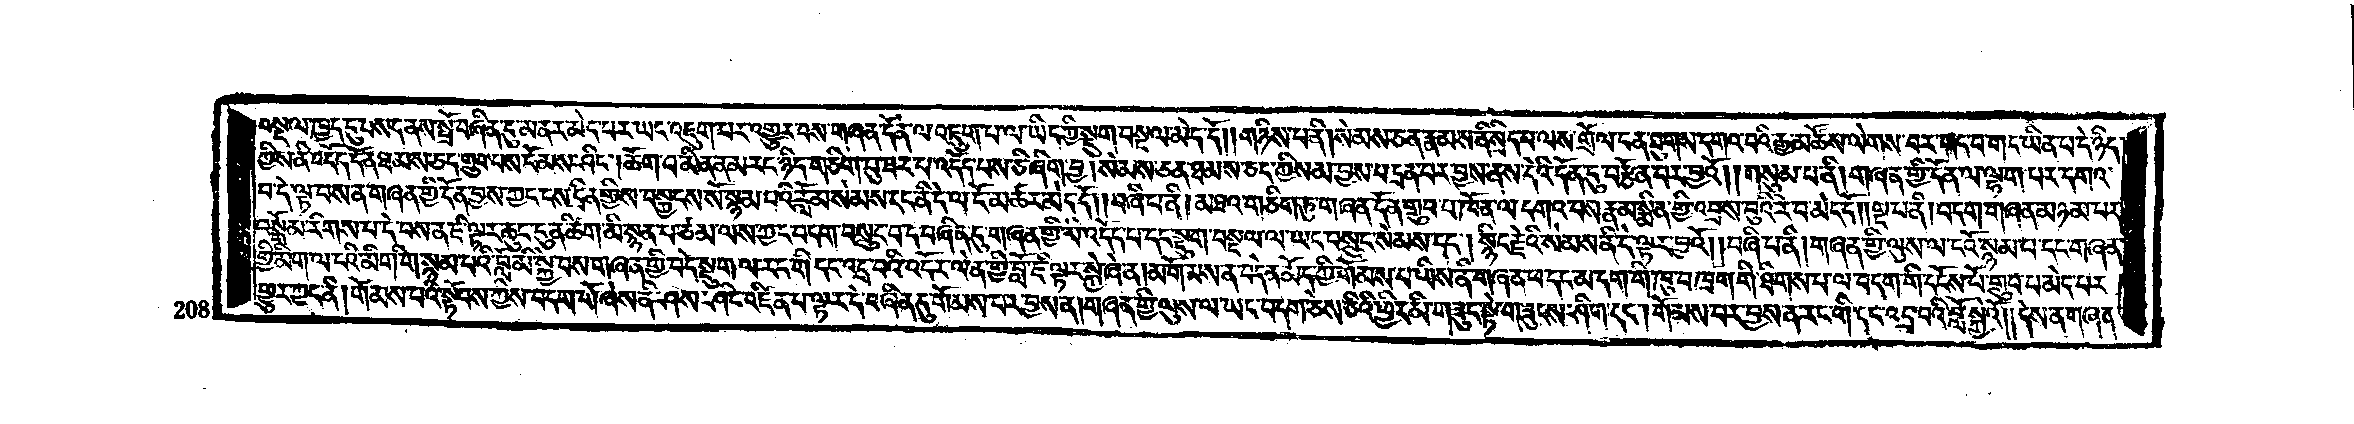བསྔལ་ཁྱད་དུ་བསད་ནས་སྤྲོ་བཞིན་དུ་མནར་མེད་པར་ཡང་འཇུག་པར་འགྱུར་བས་གཞན་དོན་ལ་འཇུག་པ་ལ་ཡིད་ཀྱི་སྡུག་བསྔལ་མེད་དོ། །གཉིས་པ་ནི། སེམས་ཅན་རྣམས་ནི་སྲིད་པ་ལས་གྲོལ་ངན་ཐུགས་དགའ་བའི་རྒྱ་མཚོས་ལེགས་པར་གང་བ་གང་ཡིན་པ་དེ་ཉིད་
ཀྱིས་ནི་འདོད་དོན་ཐམས་ཅད་གྲུབ་པས་ངོམས་ཤིང་། ཆོག་པ་མིན་ནམ་རང་ཉིད་གཅིག་པུ་ཐར་པ་འདོད་པས་ཅི་ཞིག་བྱ། སེམས་ཅན་ཐམས་ཅད་ཀྱིས་མ་བྱས་པ་དྲན་པར་བྱས་ནས་དེའི་དོན་དུ་བརྩོན་པར་བྱའོ། །གསུམ་པ་ནི། གཞན་གྱི་དོན་ལ་ལྷག་པར་དགའ་
བ་དེ་ལྟ་བས་ན་གཞན་གྱི་དོན་བྱས་ཀྱང་ངས་དྲིན་གྱིས་བསྐྱངས་སོ་སྙམ་པའི་རློམ་སེམས་དང་ནི་དེ་ལ་ངོ་མཚར་མེད་དོ། །བཞི་པ་ནི། མཐའ་གཅིག་ཏུ་གཞན་དོན་གྲུབ་པ་ཁོ་ན་ལ་དགའ་བས་རྣམ་སྨིན་གྱི་འབྲས་བུའི་རེ་བ་མེད་དོ། །ལྔ་པ་ནི། བདག་གཞན་མཉམ་པར་
བསྒོམ་རིགས་པ་དེ་བས་ན་ཇི་ལྟར་ཆུང་ངུ་ནི་ཚིག་མི་སྙན་པ་ཙམ་ལས་ཀྱང་བདག་བསྲུང་བ་དེ་བཞིན་དུ་གཞན་གྱི་མི་འདོད་པ་དང་སྡུག་བསྔལ་ལ་ཡང་བསྲུང་སེམས་དང་། སྙིང་རྗེའི་སེམས་ནི་དེ་ལྟར་བྱའོ། །བཞི་པ་ནི། གཞན་གྱི་ལུས་ལ་ངའོ་སྙམ་པ་དང་གཞན་
གྱི་མིག་ལ་ངའི་མིག་གི་སྙམ་པའི་བློ་མི་སྐྱེ་བས་གཞན་གྱི་བདེ་སྡུག་ལ་རང་གི་དང་འདྲ་བའི་འདོར་ལེན་གྱི་བློ་ཇི་ལྟར་སྐྱེ་ཞེ་ན། མ་གོམས་ན་བདེན་མེད་ཀྱི་གོམས་པ་ཡིས་ནི་གཞན་ཕ་དང་མ་དག་གི་ཁུ་བ་ཁྲག་གི་ཐིགས་པ་ལ་བདག་གི་དངོས་པོ་གྲུབ་པ་མེད་པར་
གྱུར་ཀྱང་ནི། གོམས་པའི་སྟོབས་ཀྱིས་བདག་གོ་ཞེས་ནི་ཤེས་ཤིང་འཛིན་པ་ལྟར་དེ་བཞིན་དུ་གོམས་པར་བྱས་ན། གཞན་གྱི་ལུས་ལ་ཡང་བདག་ཅེས་ཅིའི་ཕྱིར་མི་གཟུང་སྟེ་གཟུངས་ཤིག་དང་། གོམས་པར་བྱས་ན་རང་གི་དང་འདྲ་བའི་བློ་སྐྱེའོ། །དེས་ན་གཞན་